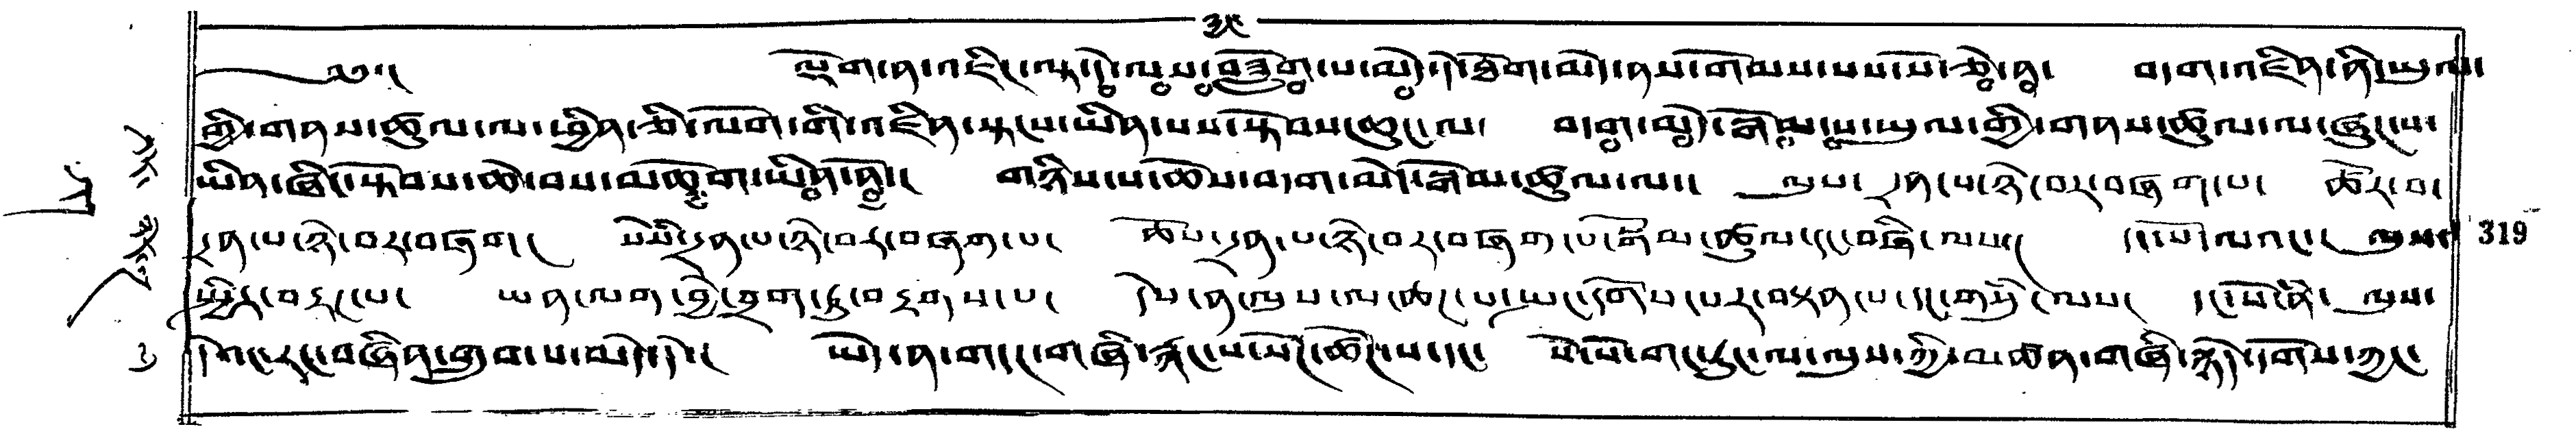ལྡོག་ན་འཇིག་ལྟ་དེ་ལས་ཀྱང་བཟློག་པ་མེད་དེ་ཐོག་མེད་ནས་གོམས་པས་སོ་ཞེ་ན། བདག་འཛིན་ནི་ཡུལ་
གྱི་གནས་ཚུལ་ལ་ཕྱིན་ཅི་ལོག་གི་འཛིན་སྟངས་ཡིན་པས་སྟོབས་ཆུང་ལ། བདག་མེད་སྒོམ་པ་ཡུལ་གྱི་གནས་ཚུལ་ལ་ཞུགས་པ་
ཡིན་ཤིང་སྟོབས་ཆེ་བས་མཆོག་ཡིན་ནོ།། གཉིས་པ་ཆོས་ཀྱི་བདག་མེད་སྒོམ་ཚུལ་ལ། ལུས་དྲན་པ་ཉེ་བར་བཞག་པ། ཚོར་བ་
དྲན་པ་ཉེ་བར་བཞག་པ། སེམས་དྲན་པ་ཉེ་བར་བཞག་པ། ཆོས་དྲན་པ་ཉེ་བར་བཞག་པ་སྟེ་སྒོམ་ཚུལ་དང་བཞི་ལས། དང་པོ་ལའང་། ལུས་
སྤྱིར་བརྟགས་པ། ཡན་ལག་བྱེ་བྲག་ཏུ་བརྟགས་པ། དེས་ན་ལུས་ལ་ཆགས་པ་སྤང་དགོས་པར་བསྟན་པ་དང་གསུམ་ལས། དང་པོ་ནི། ལུས་
དེའང་རང་བཞིན་གྲུབ་པ་མེད་དེ། ཡོད་ན་གདགས་གཞི་རྐང་པ་སོགས་ཚོགས་པ་དང་། སོ་སོ་གང་རུང་ལ་ལུས་ཀྱི་མཚན་གཞི་རྙེད་དགོས་ཀྱང་